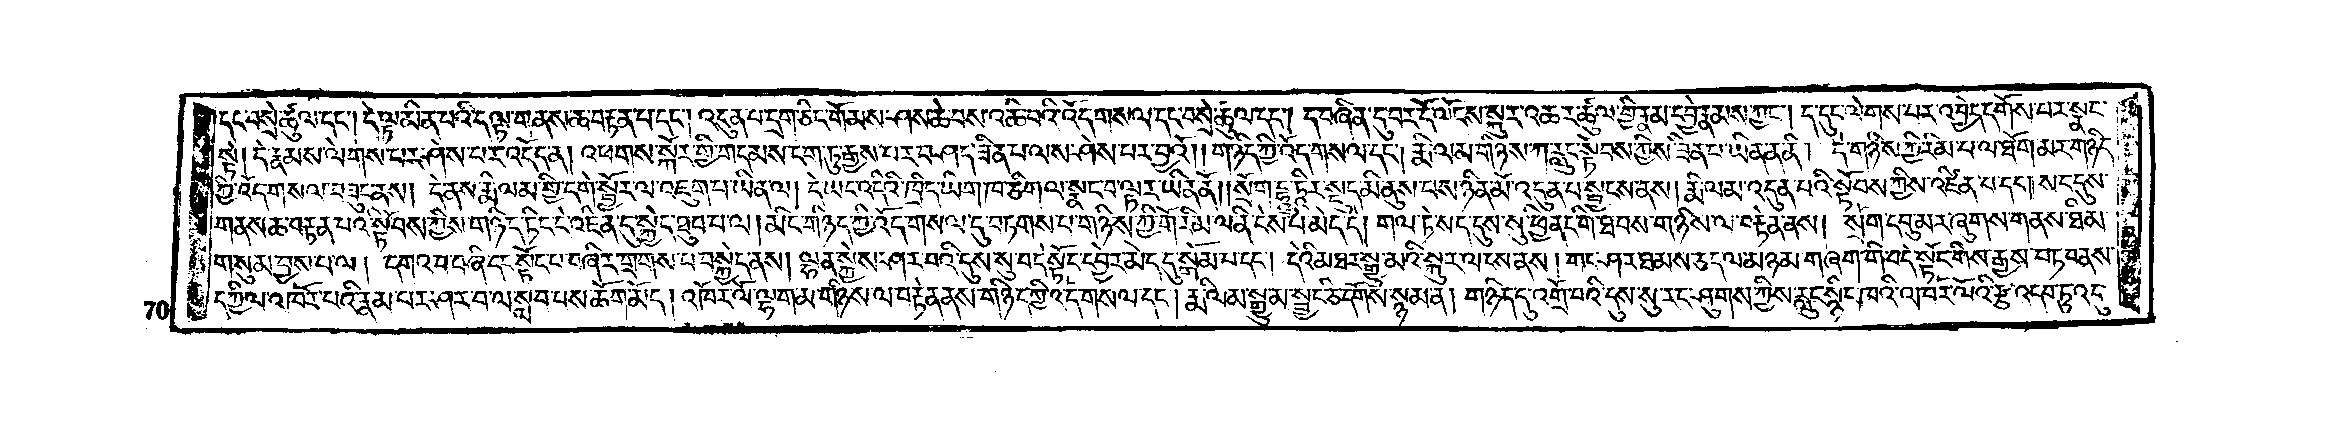དང་བསྲེ་ཚུལ་དང་། ད་ལྟ་མིན་པའི་ད་ལྟ་གནས་ཆ་བརྟན་པ་དང་། འདུན་པ་དྲག་ཅིང་གོམས་ཤས་ཆེ་བས་འཆི་བའི་འོད་གསལ་དང་བསྲེ་ཚུལ་དང་། དེ་བཞིན་དུ་བར་དོ་ལོངས་སྐུར་འཆར་ཚུལ་གྱི་རྣམ་དབྱེ་རྣམས་ཀྱང་། ད་དུང་ལེགས་པར་འབྱེད་དགོས་པར་སྣང་
སྟེ། དེ་རྣམས་ལེགས་པར་ཤེས་པར་འདོད་ན། འཕགས་སྐོར་གྱི་གདམས་ངག་ཏུ་རྒྱས་པར་བཤད་ཟིན་པ་ལས་ཤེས་པར་བྱའོ། །གཉིད་ཀྱི་འོད་གསལ་དང་། རྨི་ལམ་གཉིས་ཀ་རླུང་སྟོབས་ཀྱིས་ཟིན་པ་ཡིན་ན་ནི། དེ་གཉིས་ཀྱི་རིམ་པ་ལ་ཐོག་མར་གཉིད་
ཀྱི་འོད་གསལ་བཟུང་ནས། དེ་ནས་རྨི་ལམ་གྱི་དགེ་སྦྱོར་ལ་འཇུག་པ་ཡིན་ལ། དེ་ཡང་འདིའི་ཁྲིད་ཡིག་ཁ་ཅིག་ལ་སྣང་བ་ལྟར་ཡིན་ནོ། །སྲོག་དྷཱུ་ཏཱིར་སྡུད་མི་ནུས་པས་ཉིན་མོ་འདུན་པ་སྦྱངས་ནས། རྨི་ལམ་འདུན་པའི་སྟོབས་ཀྱིས་འཛིན་པ་དང་། སང་དུས་
གནས་ཆ་བརྟན་པའི་སྟོབས་ཀྱིས་གཉིད་ཏིང་ངེ་འཛིན་དུ་སྐྱེད་ཐུབ་པ་ལ། མིང་གཉིད་ཀྱི་འོད་གསལ་དུ་བཏགས་པ་གཉིས་ཀྱི་གོ་རིམ་ལ་ནི་ངེས་པ་མེད་དེ། གལ་ཏེ་སད་དུས་སུ་ཕྱི་ནང་གི་ཐབས་གཉིས་ལ་བརྟེན་ནས། སྲོག་དབུ་མར་ཞུགས་གནས་ཐིམ་
གསུམ་བྱས་པ་ལ། དགའ་བ་བཞི་དང་སྟོང་པ་བཞིར་གྲགས་པ་བསྐྱེད་ནས། ལྷན་སྐྱེས་ཤར་བའི་དུས་སུ་བདེ་སྟོང་དབྱེར་མེད་དུ་སྒོམ་པ་དང་། དེའི་མཐར་སྒྱུ་མའི་སྐུར་ལངས་ནས། གང་ཤར་ཐམས་ཅད་ལ་མཉམ་གཞག་གི་བདེ་སྟོང་གིས་རྒྱས་བཏབ་ནས་
དཀྱིལ་འཁོར་པའི་རྣམ་པར་ཤར་བ་ལ་སླབ་པས་ཆོག་མོད། འཁོར་ལོ་ལྷག་མ་གཉིས་ལ་བརྟེན་ནས་གཉིད་ཀྱི་འོད་གསལ་དང་། རྨི་ལམ་སྒྱུ་མ་སྦྱང་ཅི་དགོས་སྙམ་ན། གཉིད་དུ་འགྲོ་བའི་དུས་སུ་རང་ཤུགས་ཀྱིས་རླུང་སྙིང་ཁའི་འཁོར་ལོའི་རྩ་འདབ་ཏུ་འདུ་